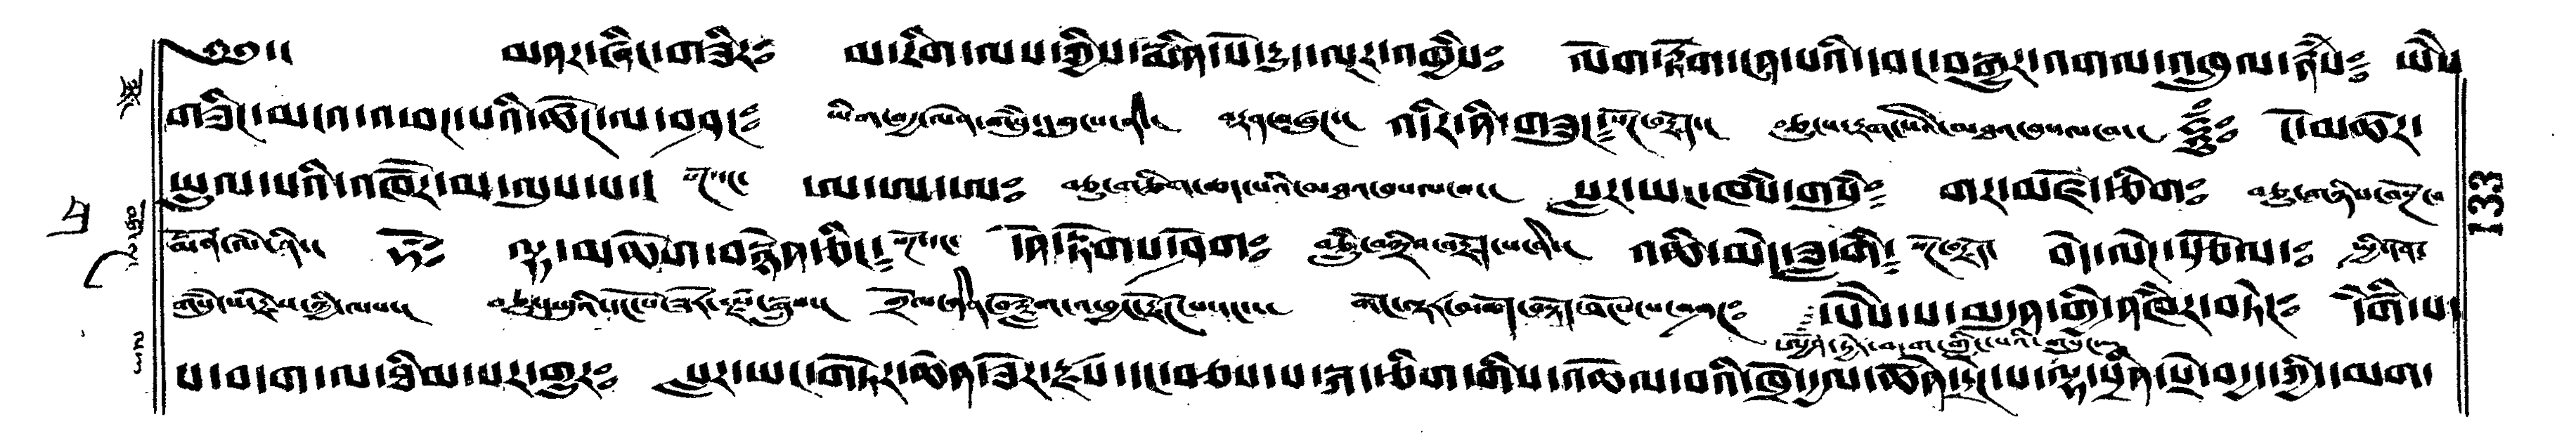མནར་ཞིང་གཟིར༔ མ་རིག་ལས་ཀྱིས་སྨིན་པོ་རྒྱུད་ལྔར་འཁྱམས༔ ལོག་རྟོག་ངན་པའི་དབང་བསྒྱུར་འགལ་འཁྲུལ་རྣམས༔ ཡེ་ཤེས་
གཟིགས་མངའ་འཕགས་པའི་ཚོགས་ལ་བཤགས༔ ཡིག་བརྒྱ་ལན་གསུམ་དགུ་པ་ནི། བརྟན་བཞུགས། འདིར་ནི་གཟུགས༴ སོགས་བརྗོད། བཅུ་པ་རྟག་པའི་མཐའ་བསལ་བ། ཧཱུྃ༔ ངོ་མཚར་
སྤྲུལ་པའི་འཁོར་ལོ་མ་ལུས་པ༔ སོགས་དང་། ཨ་ཨ་ཨཿ བཅུ་གཅིག་ཆད་པའི་མཐའ་བསལ་བ། སླར་ཡང་ཁམས་གསུམ་ནས། གར་མཛོད་ཅིག༔ བཅུ་གཉིས་བསྔོ་བ་
སྨོན་ལམ་ནི། ཧོ༔ ལྷ་མཆོག་བསྙེན་ཅིང༴ སོགས་དང་། དོན་རྟོགས་ཤོག༔ ཞེས་པའི་ཟར་བརྗོད། བཅུ་གཉིས་བཀྲ་ཤིས་བརྗོད་པ་ནི། འཆི་མེད་ཟླ་གམ༴ སོགས་བརྗོད། བདེ་ལེགས་སྩོལ༔ སྤྱི་དོན་
གསུམ་པ་རྗེས་ཀྱི་ལས། །བཅུ་དགུའི་དང་པོ་ཟེར་རྫས་སྒྲུབ། །གྲོལ་ཉིན་བཟློག་འཕྱང་རྫོགས་པ་དང་། །གོང་ལྟར་མཆོད་བསྟོད་ནོངས་བཤགས། ཡེ་ཤེས་པ་མདུན་གྱི་ནམ་མཁར་བཏེགས༔ དམ་ཚིག་
པ་བདག་ལ་ཐིམ་པར་གྱུར༔ སླར་ཡང་གཏོར་ཆེན་ཟོར་རྫས་དང་བཅས་པ་སྐད་ཅིག་གིས་འཆོལ་བའི་ཁྲོ་རྒྱལ་ཆེན་པོ་དྲེགས་པ་ལྷ་སྲིན་སྡེ་བརྒྱད་ཀྱི་དམག་